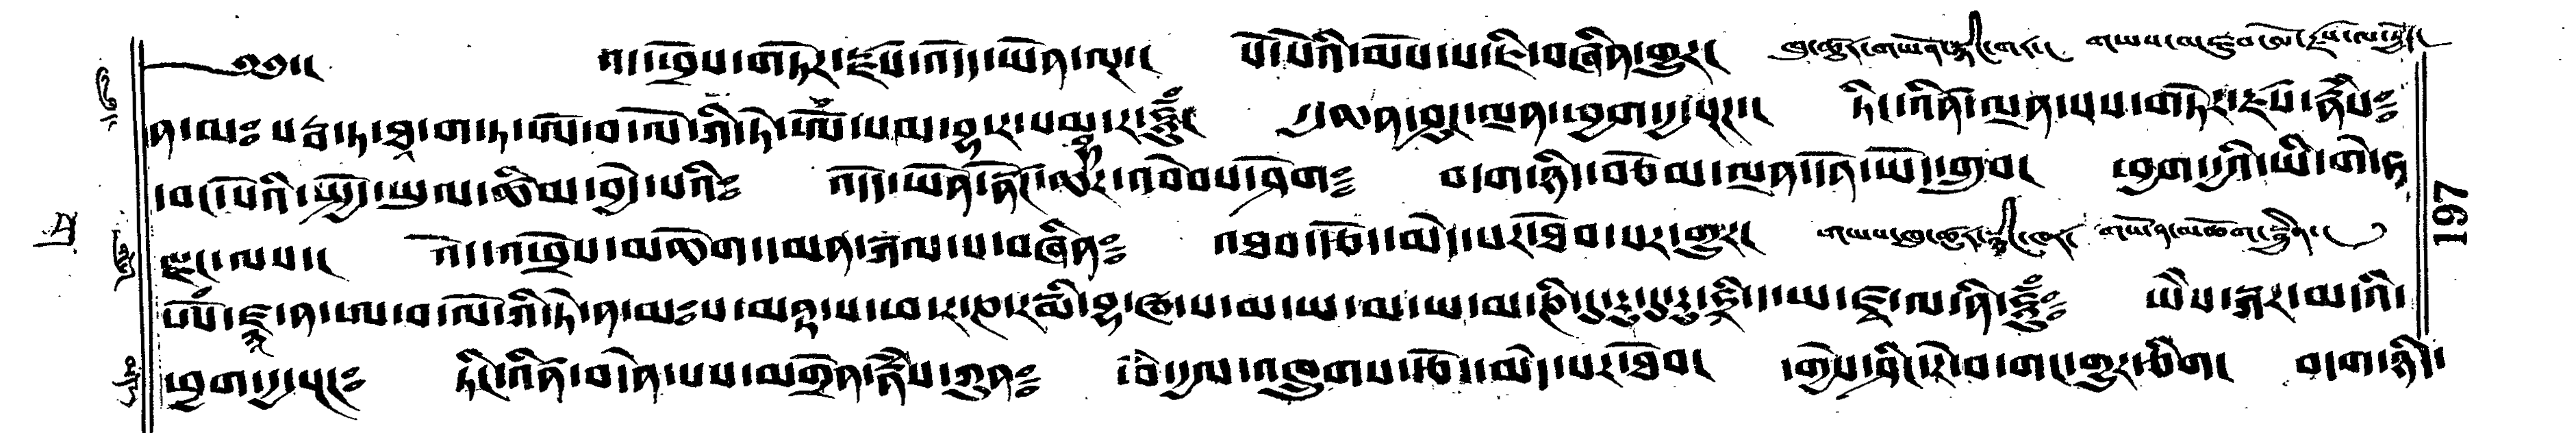།འོད་འཕྲོས་གཏོར་རྫས་འདོད་ཡོན་ལྔ། །སོ་སོའི་མོས་པ་ཇི་བཞིན་གྱུར། ཁུ་ཚུར་གཡོན་སྙིང་ཁར། གཡས་མཛུབ་མོ་རྫས་ལ་གཏོད། 
ན་མཿསརྦ་ཏ་ཐཱ་ག་ཏ་ཨ་བ་ལོ་ཀི་ཏེ་ཨོཾ་སམྦྷ་ར་སམྦྷ་ར་ཧཱུྃ། རྒྱ་ཆེན་ཤུགས་ལྡན་ཕྱག་རྒྱ་སྔགས། །ཏིང་འཛིན་ལྡན་པས་གཏོར་རྫས་རྣམས། །
དབང་པོའི་སྤྱོད་ཡུལ་ཚིམ་བྱེད་པའི། །འདོད་ཡོན་སྣ་ཚོགས་ཆར་འབེབས་ཤོག །བདག་ཉིད་བཅོམ་ལྡན་དོན་ཡོད་གྲུབ། ཕྱག་རྒྱའི་ཡི་གེ་ཧ་
ལྗང་ལས། །འོད་འཕྲོས་མཆོག་དམན་སྐལ་པ་བཞིན། །འཐབ་རྩོད་མེད་པར་ཐོབ་པར་གྱུར། གཡས་ཁུ་ཚུར་སྙིང་ཁར། གཡོན་མཆོག་སྦྱིན། 
ཨོཾ་ཛྙཱ་ན་ཨ་བ་ལོ་ཀི་ཏེ་ན་མཿས་མནྟ་སྥ་ར་ཎ་རསྨི་བྷ་ཝ་ས་མ་ཡ་མ་ཧ་མ་ཎི་དུ་རུ་དུ་རུ་ཧྲཱི་ད་ཡ་ཛྭ་ལ་ནི་ཧཱུྃ། ཡེ་ཤེས་སྐར་མདའི་
ཕྱག་རྒྱ་སྔགས། །ཏིང་འཛིན་བདེན་པས་མགྲོན་རྣམས་ཀུན། །ཕམ་རྒྱལ་འཁྲུག་རྩོད་མེད་པར་ཐོབ། །དགྱེས་ཤིང་རེ་བ་སྐོང་གྱུར་ཅིག །བདག་ཉིད་